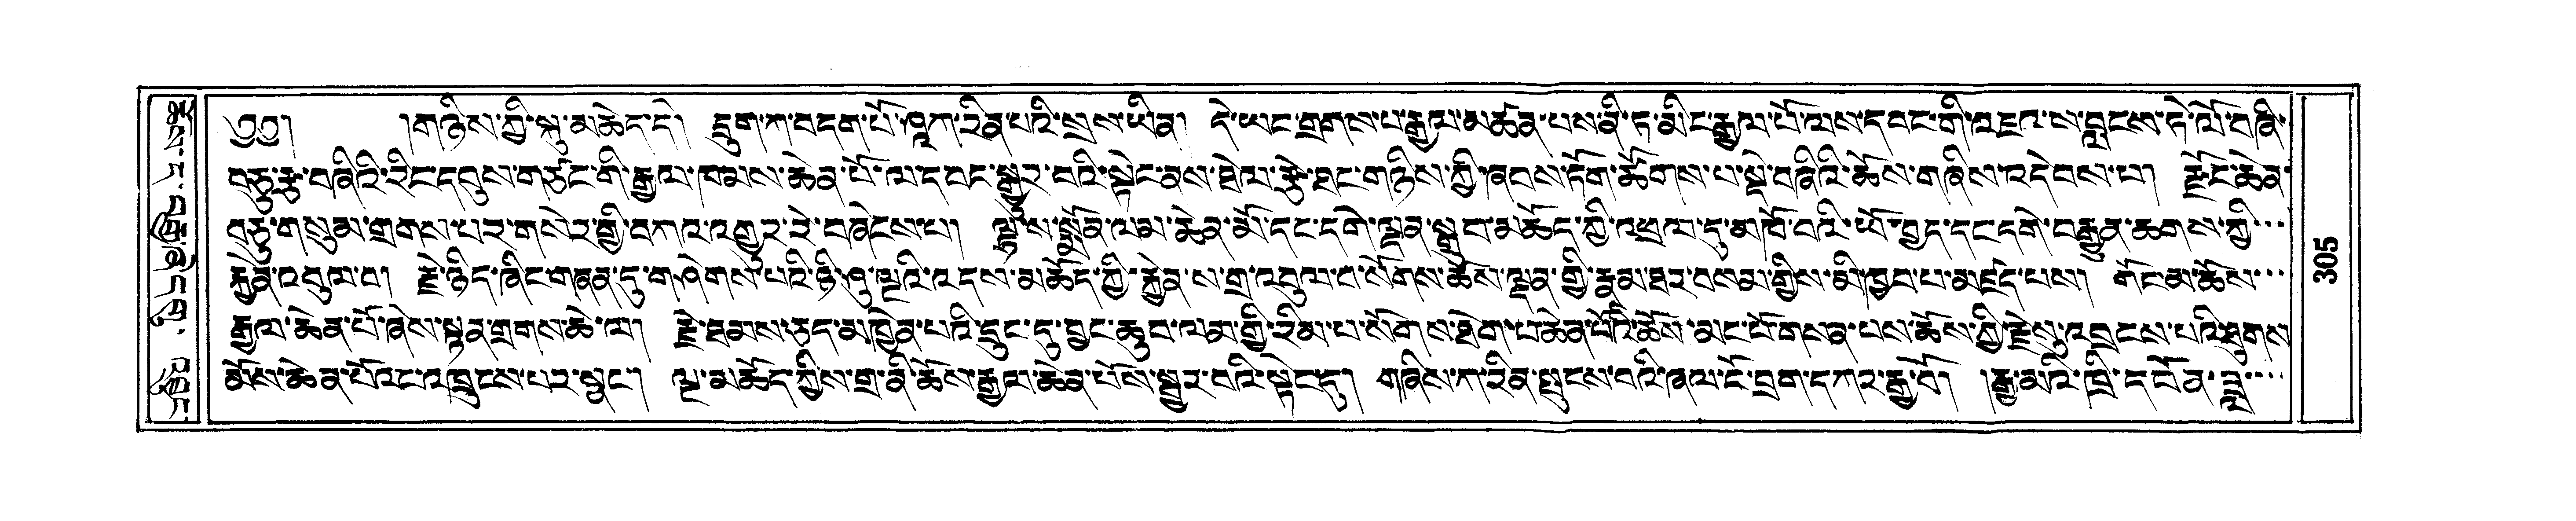༄༅། །གཉིས་ཀྱི་སྐུ་མཆེད་དེ། དྲུག་ཀ་བདག་པོ་ཤའྐ་རིན་པའི་སྲས་ཡིན། དེ་ཡང་གྲགས་པ་རྒྱལ་མཚན་པས་ནི་ཏ་མིང་རྒྱལ་པོ་ལས་དབང་གི་འཇའ་ས་བླངས་ཏེ་ལོ་བཞི་
བཅུ་རྩ་བཞིའི་རིང་དབུས་གཙང་གི་རྒྱལ་ཁམས་ཆེན་པོ་ལ་དབང་སྒྱུར་བའི་སྟེང་ནས་ཐེལ་རྩེ་ཐང་གཉིས་ཀྱི་ཞབས་ཏོག་ཚོགས་པ་སྡེ་བཞིའི་ཆོས་གཞིས་འདེབས་པ། རྫོང་ཆེན་
བཅུ་གསུམ་གྲགས་པར་གསེར་གྱི་བཀའ་འགྱུར་རེ་བཞེངས་པ། ལྷ་ས་སྨོན་ལམ་ཆེན་མོ་དང་དགེ་ལྡན་སྒྲུབ་མཆོད་ཀྱི་འཕྲལ་དུ་མཁོ་བའི་ཡོ་བྱད་དང་དགེ་བརྒྱུན་ཆགས་ཀྱི་
རྐྱེན་འབུལ་བ། རྗེ་ཉིད་ཞིང་གཞན་དུ་གཤེགས་པའི་ཉི་ཤུ་ལྔའི་འདས་མཆོད་ཀྱི་རྐྱེན་ས་གྲ་འབུལ་བ་སོགས་ཆོས་ལྡན་གྱི་རྣམ་ཐར་བསམ་གྱིས་མི་ཁྱབ་པ་མཛད་པས། གོང་མ་ཆོས་
རྒྱལ་ཆེན་པོ་ཞེས་སྙན་གྲགས་ཆེ་ལ། རྗེ་ཐམས་ཅད་མཁྱེན་པའི་དྲུང་དུ་བྱང་ཆུབ་ལམ་གྱི་རིམ་པ་སོགས་ཐེག་པ་ཆེན་པོའི་ཆོས་མང་པོ་གསན་པས་ཆོས་ཀྱི་རྗེ་སུ་འབྲངས་པའི་ཐུགས་
མོས་ཆེན་པོའང་འཁྲུངས་པར་སྣང་། ལྔ་མཆོད་ཀྱིས་གྲ་ནི་ཆོས་རྒྱལ་ཆེན་པོས་སྦྱར་བའི་སྟེང་དུ། གཞིས་ཀ་རིན་སྤུངས་བའི་ཞལ་ངོ་བྲག་དཀར་རྒྱ་བོ། །རྒྱ་མའི་ཁྲི་དབོན་ཟླ་